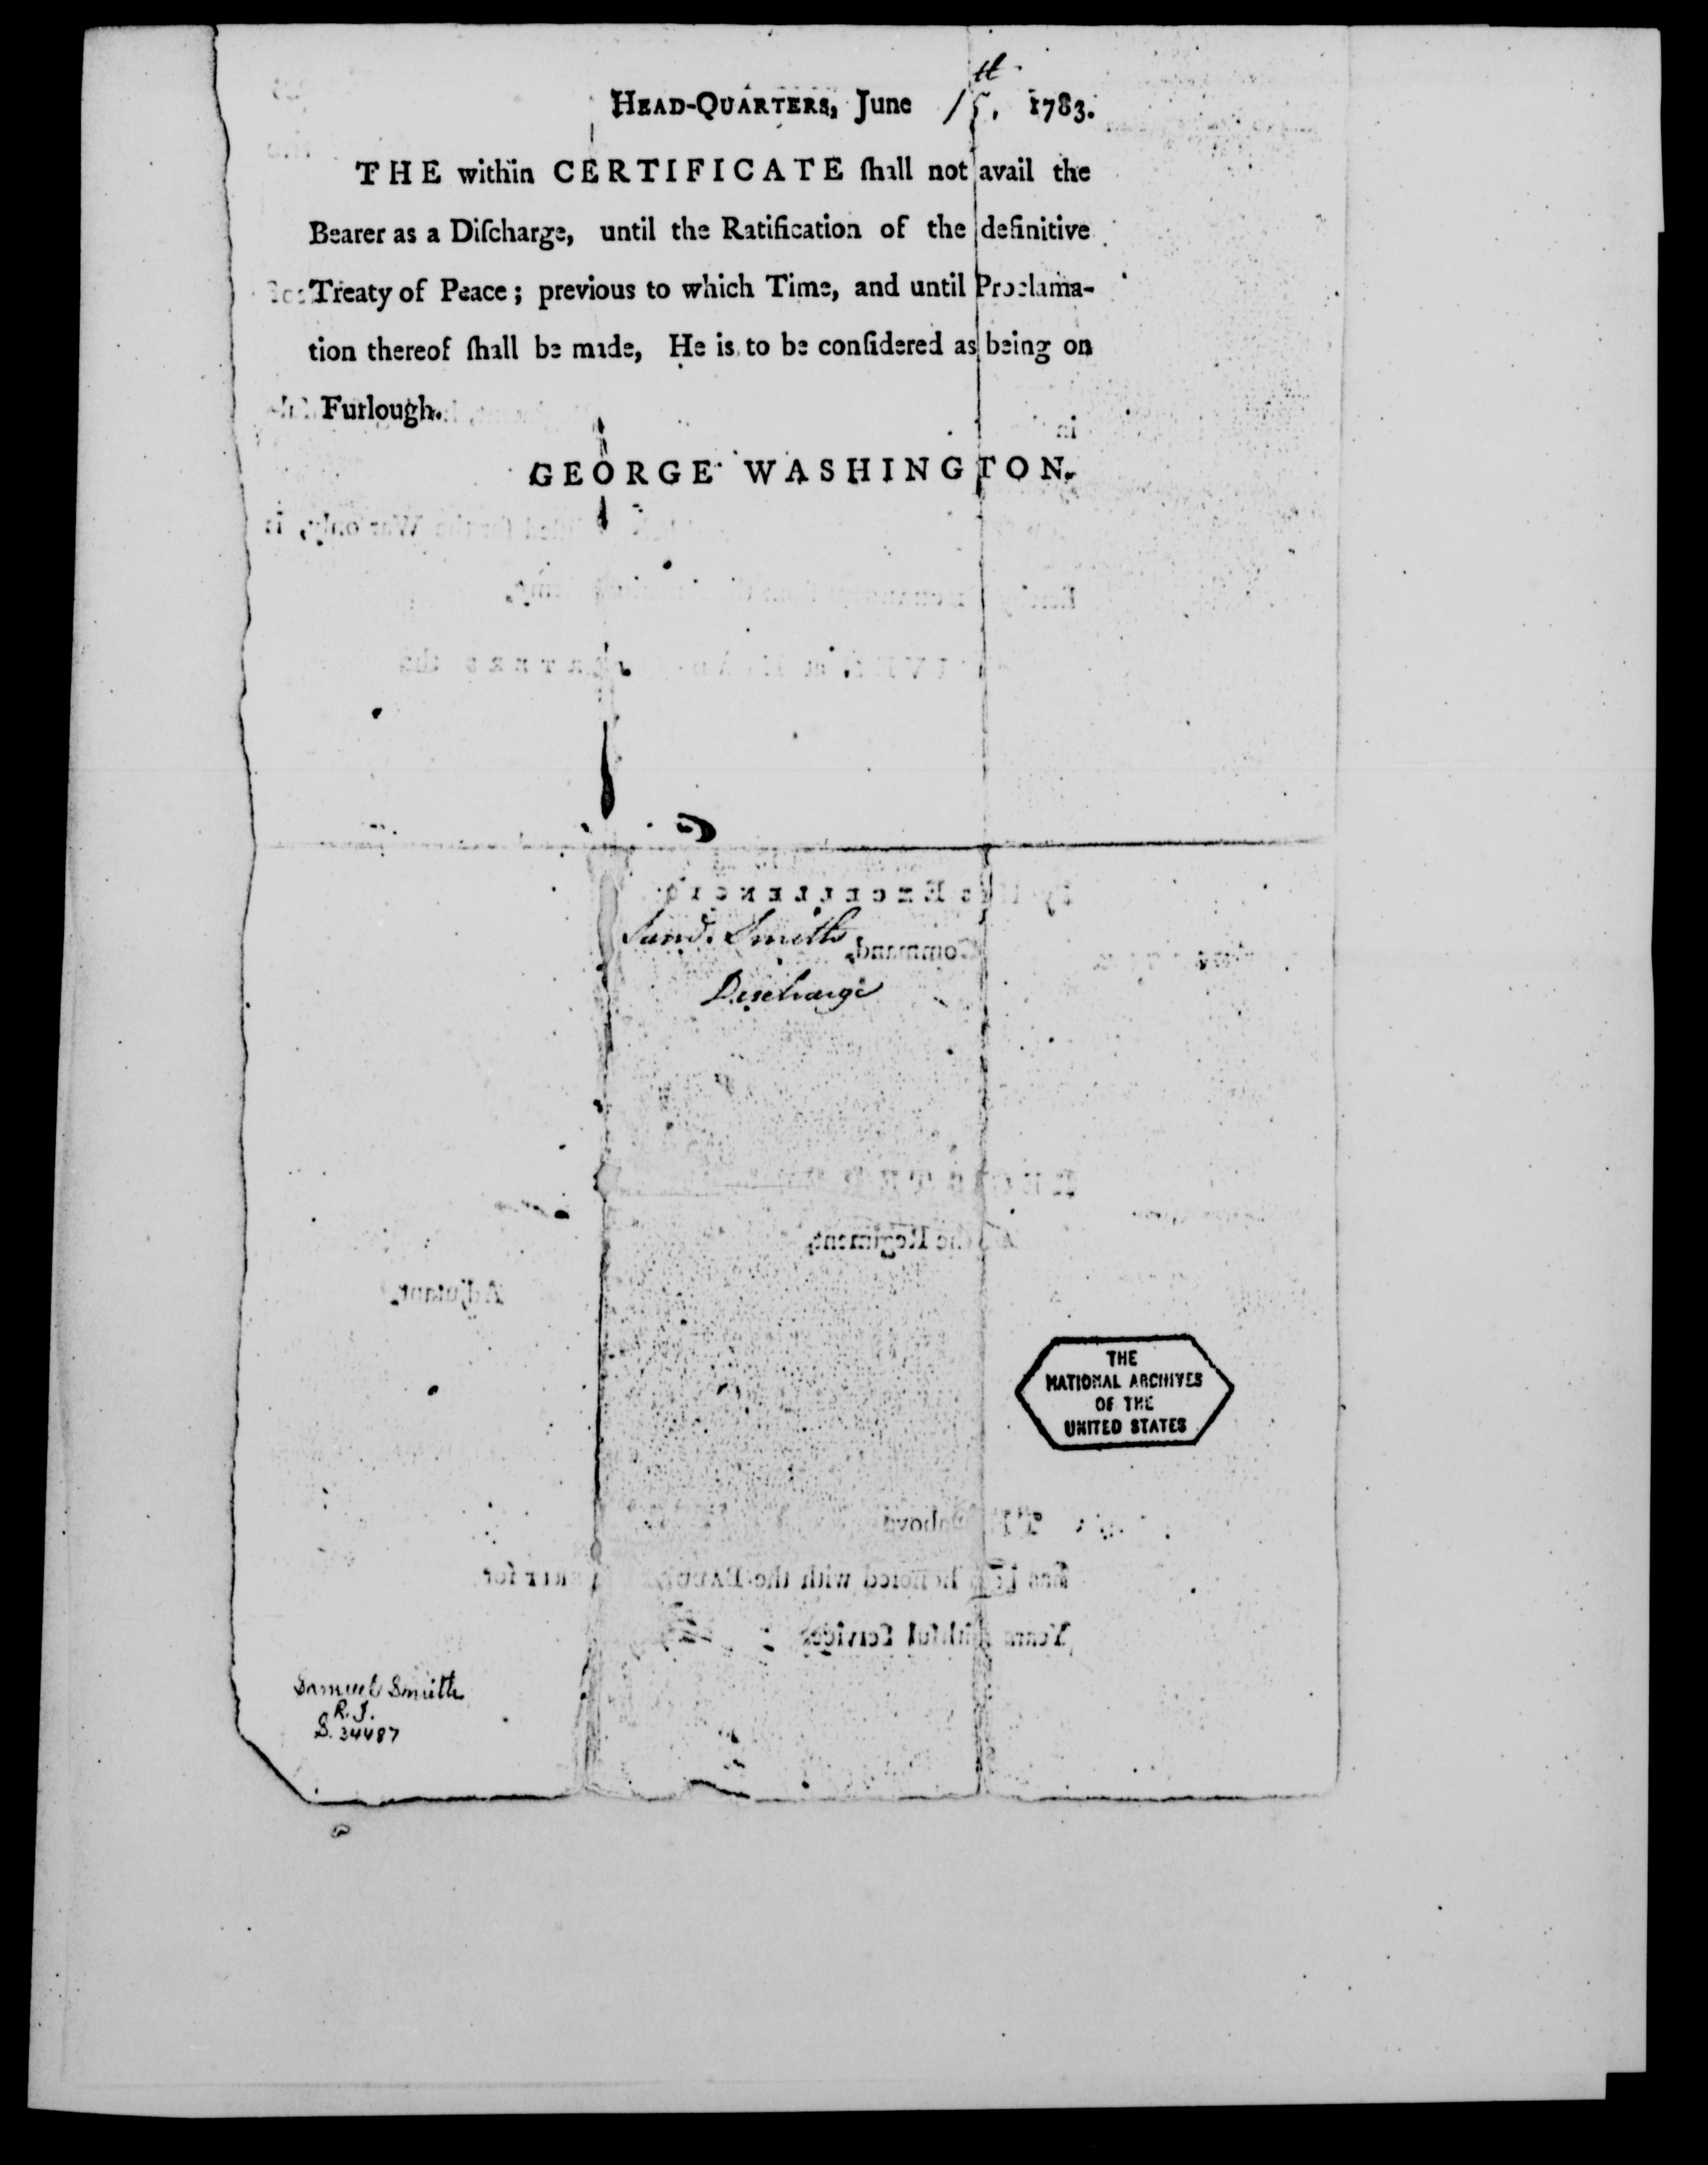HEAD-QUARTERS, June 19th, 1783
  THE within CERTIFICATE shall not avail the Bearer as a Discharge, until the Ratification of the definitive Treaty of Peace; previous to which Time, and until Proclamation thereof shall be made, He is to be considered as being on Furlough, 
GEIRGE WASHINGTON

Samuel Smith
Discharge

The National Archives of the United States

Samuel Smith
R.I.
S. 34487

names: George Washington; Samuel Smith; Saml Smith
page: 14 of 14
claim: survivor's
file: S. 34,487, for Samuel Smith, Rhode Island